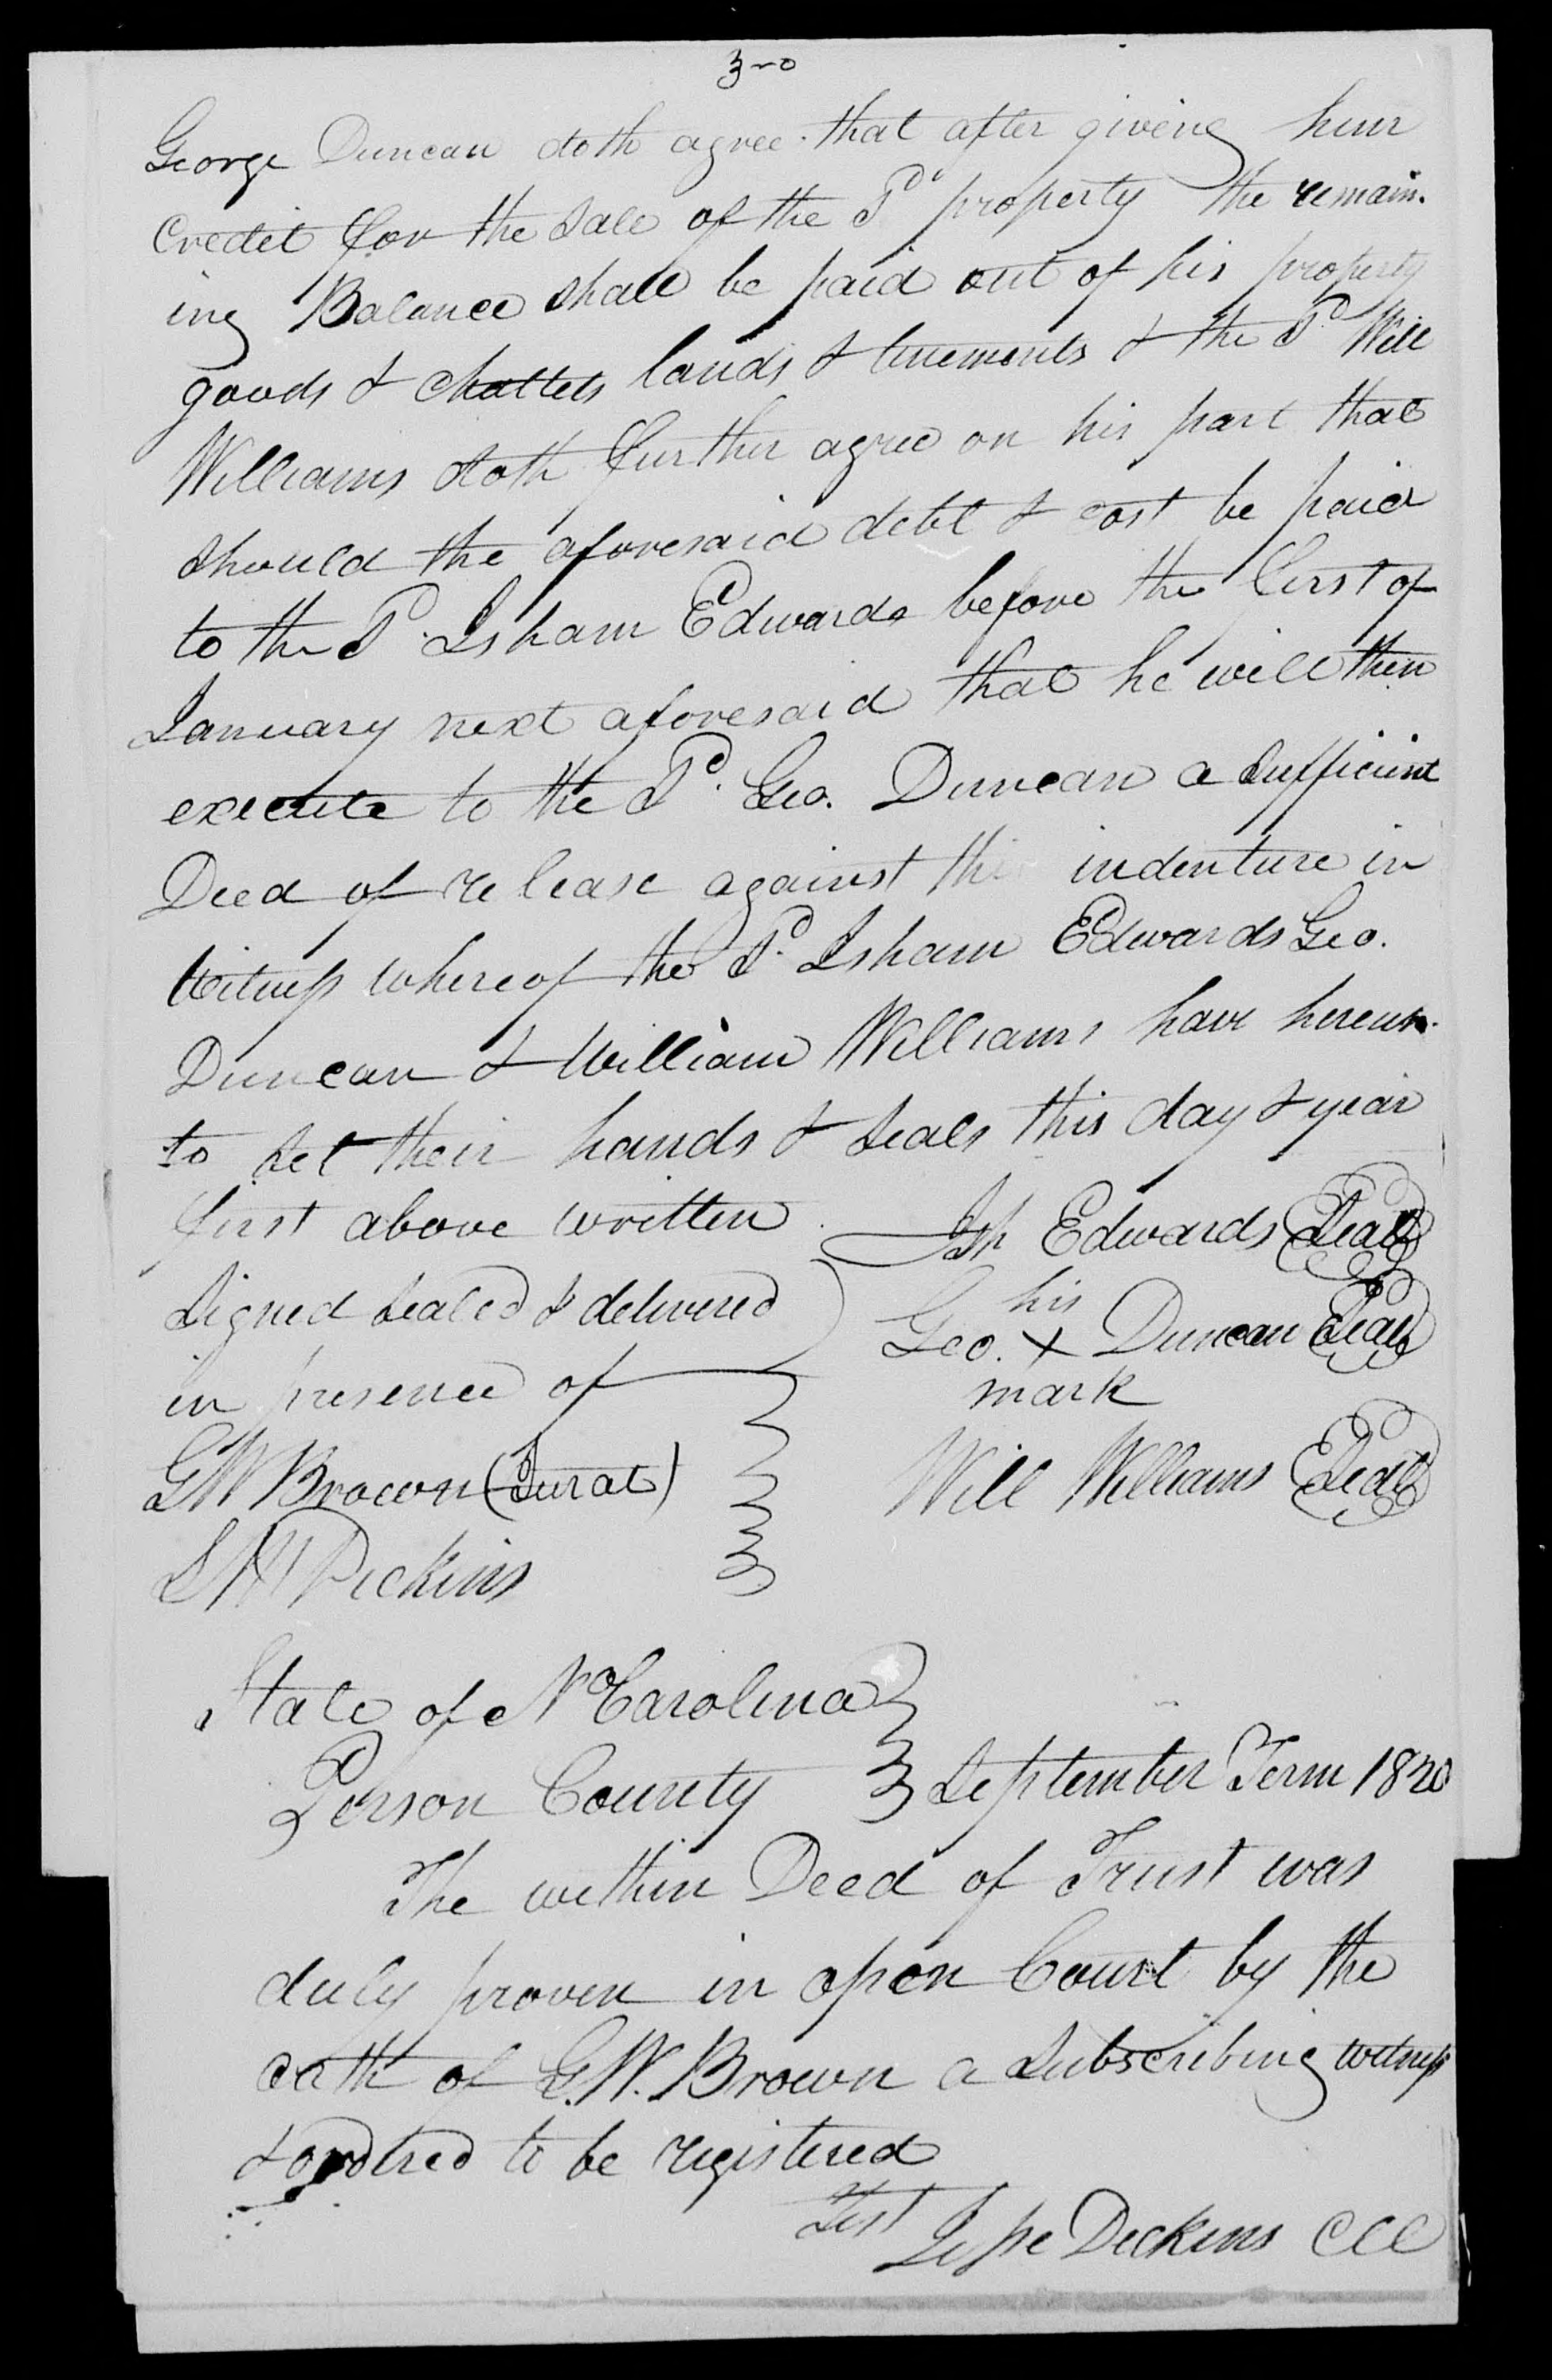George Duncan doth agree that after giving him credit for the sale of the said property the remaining balance shall be paid out of his property goods of chattels lands and tenements of the said Will Williams doth further agree on his part that should the aforesaid debt and cost be paid to the said Isham Edwards before the first of January next above said that he will  then execute to the said George Duncan a sufficient deed of release against the indenture in witness whereof the said Isham Edwards George Duncan and Williams Williams have hereunto set their hands and seals this day and year first above written 
Ish Edwards 
Leo Duncan X his mark
Will Williams
signed sealed and delivered in presence of GW Brown (jurat)
SM Pickins
State of North Carolina Person County
September term 1820
The within Deed of trust was duly proven in open court by the oath of G.W. Brown a subscribing witness and ordered to be registered 
Attested
Jesse Dickins CCC [clerk of county court]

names: G W Brown, Geo Duncan, George Duncan, William Williams, Wm Williams, Ish Edwards, S M Dickins, Will Williams, G W Brown, Geo Duncan, Geo Duncan, Isham Edwards, Jesse Dickins, Isham Edwards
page: 35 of 49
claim: survivor's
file: S. 41513, George Duncan, N.C.